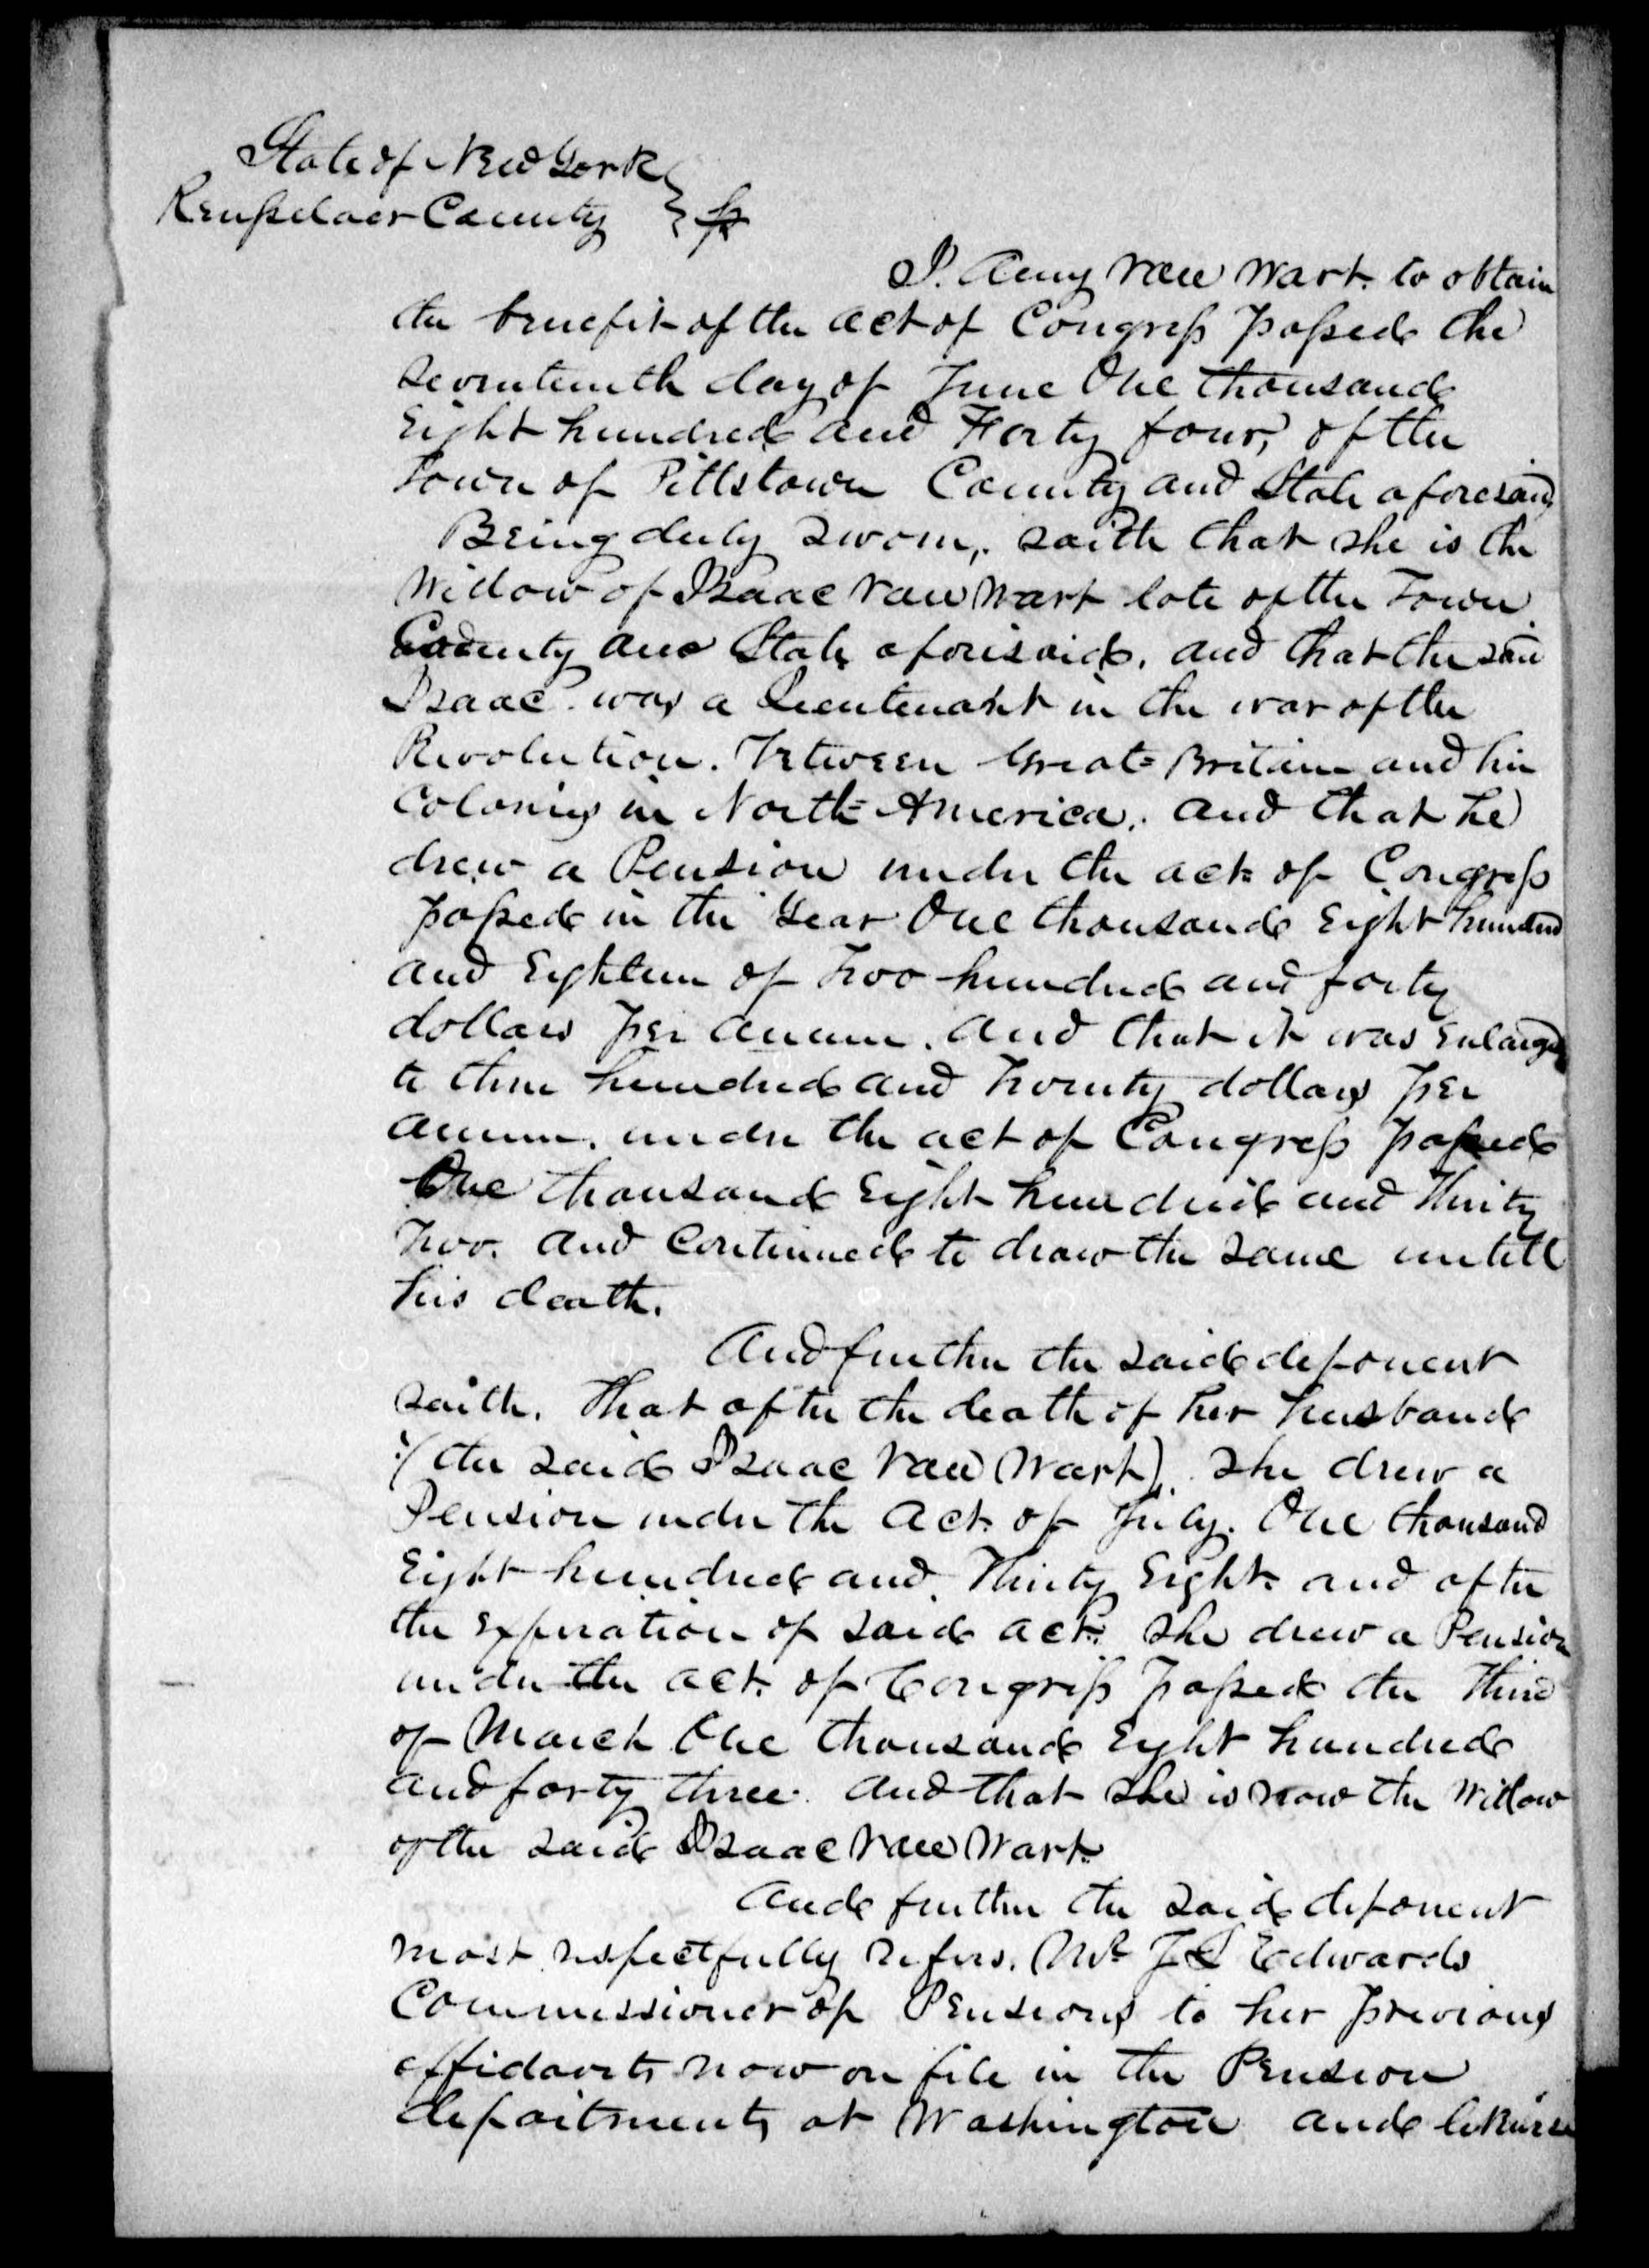State of New York 
Rensselaer County } ss.
I, Amy Van Wart to obtain the benefit of the act of Congress passed the Seventeenth day of June One thousand Eight hundred and Forty four, of the town of Pittstown County and State aforesaid Being duly sworn, saith that she is the widow of Isaac Van Wart late of the Town County and State aforesaid, and that the said Isaac was a Lieutenant in the war of the Revolution. between Great Britain and his Colonies in North America. And that he drew a Pension under the act of Congress passed in the year One thousand Eight hundred and Eighteen of Two hundred and forty dollars per annum. And that it was enlarged to three hundred and twenty dollars per annum under the act of Congress passed One thousand Eight hundred and thirty Two, and continued to draw the same untill his death. 
And further the said deponent saith, That after the death of her husband the said Isaac Van Wart, she drew a Pension under the Act of July One thousand Eight hundred and Thirty Eight and after the expiration of said act she drew a pension under the act of Congress passed the third of March One thousand Eight hundred and forty three. And that she is now the Widow of the said Isaac Van Wart 
And further the said deponent most respectfully refers. Mr J L Edwards Commissioner of Pensions to her previous affidavits now on file in the Pension department at Washington and likewise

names: Isaac Van Wart, Isaac, Amy Van Wart, J L Edwards, Isaac Van Wart, Isaac Van Wart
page: 95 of 102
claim: widow's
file: W. 18239, Isaac Van Wart, New York